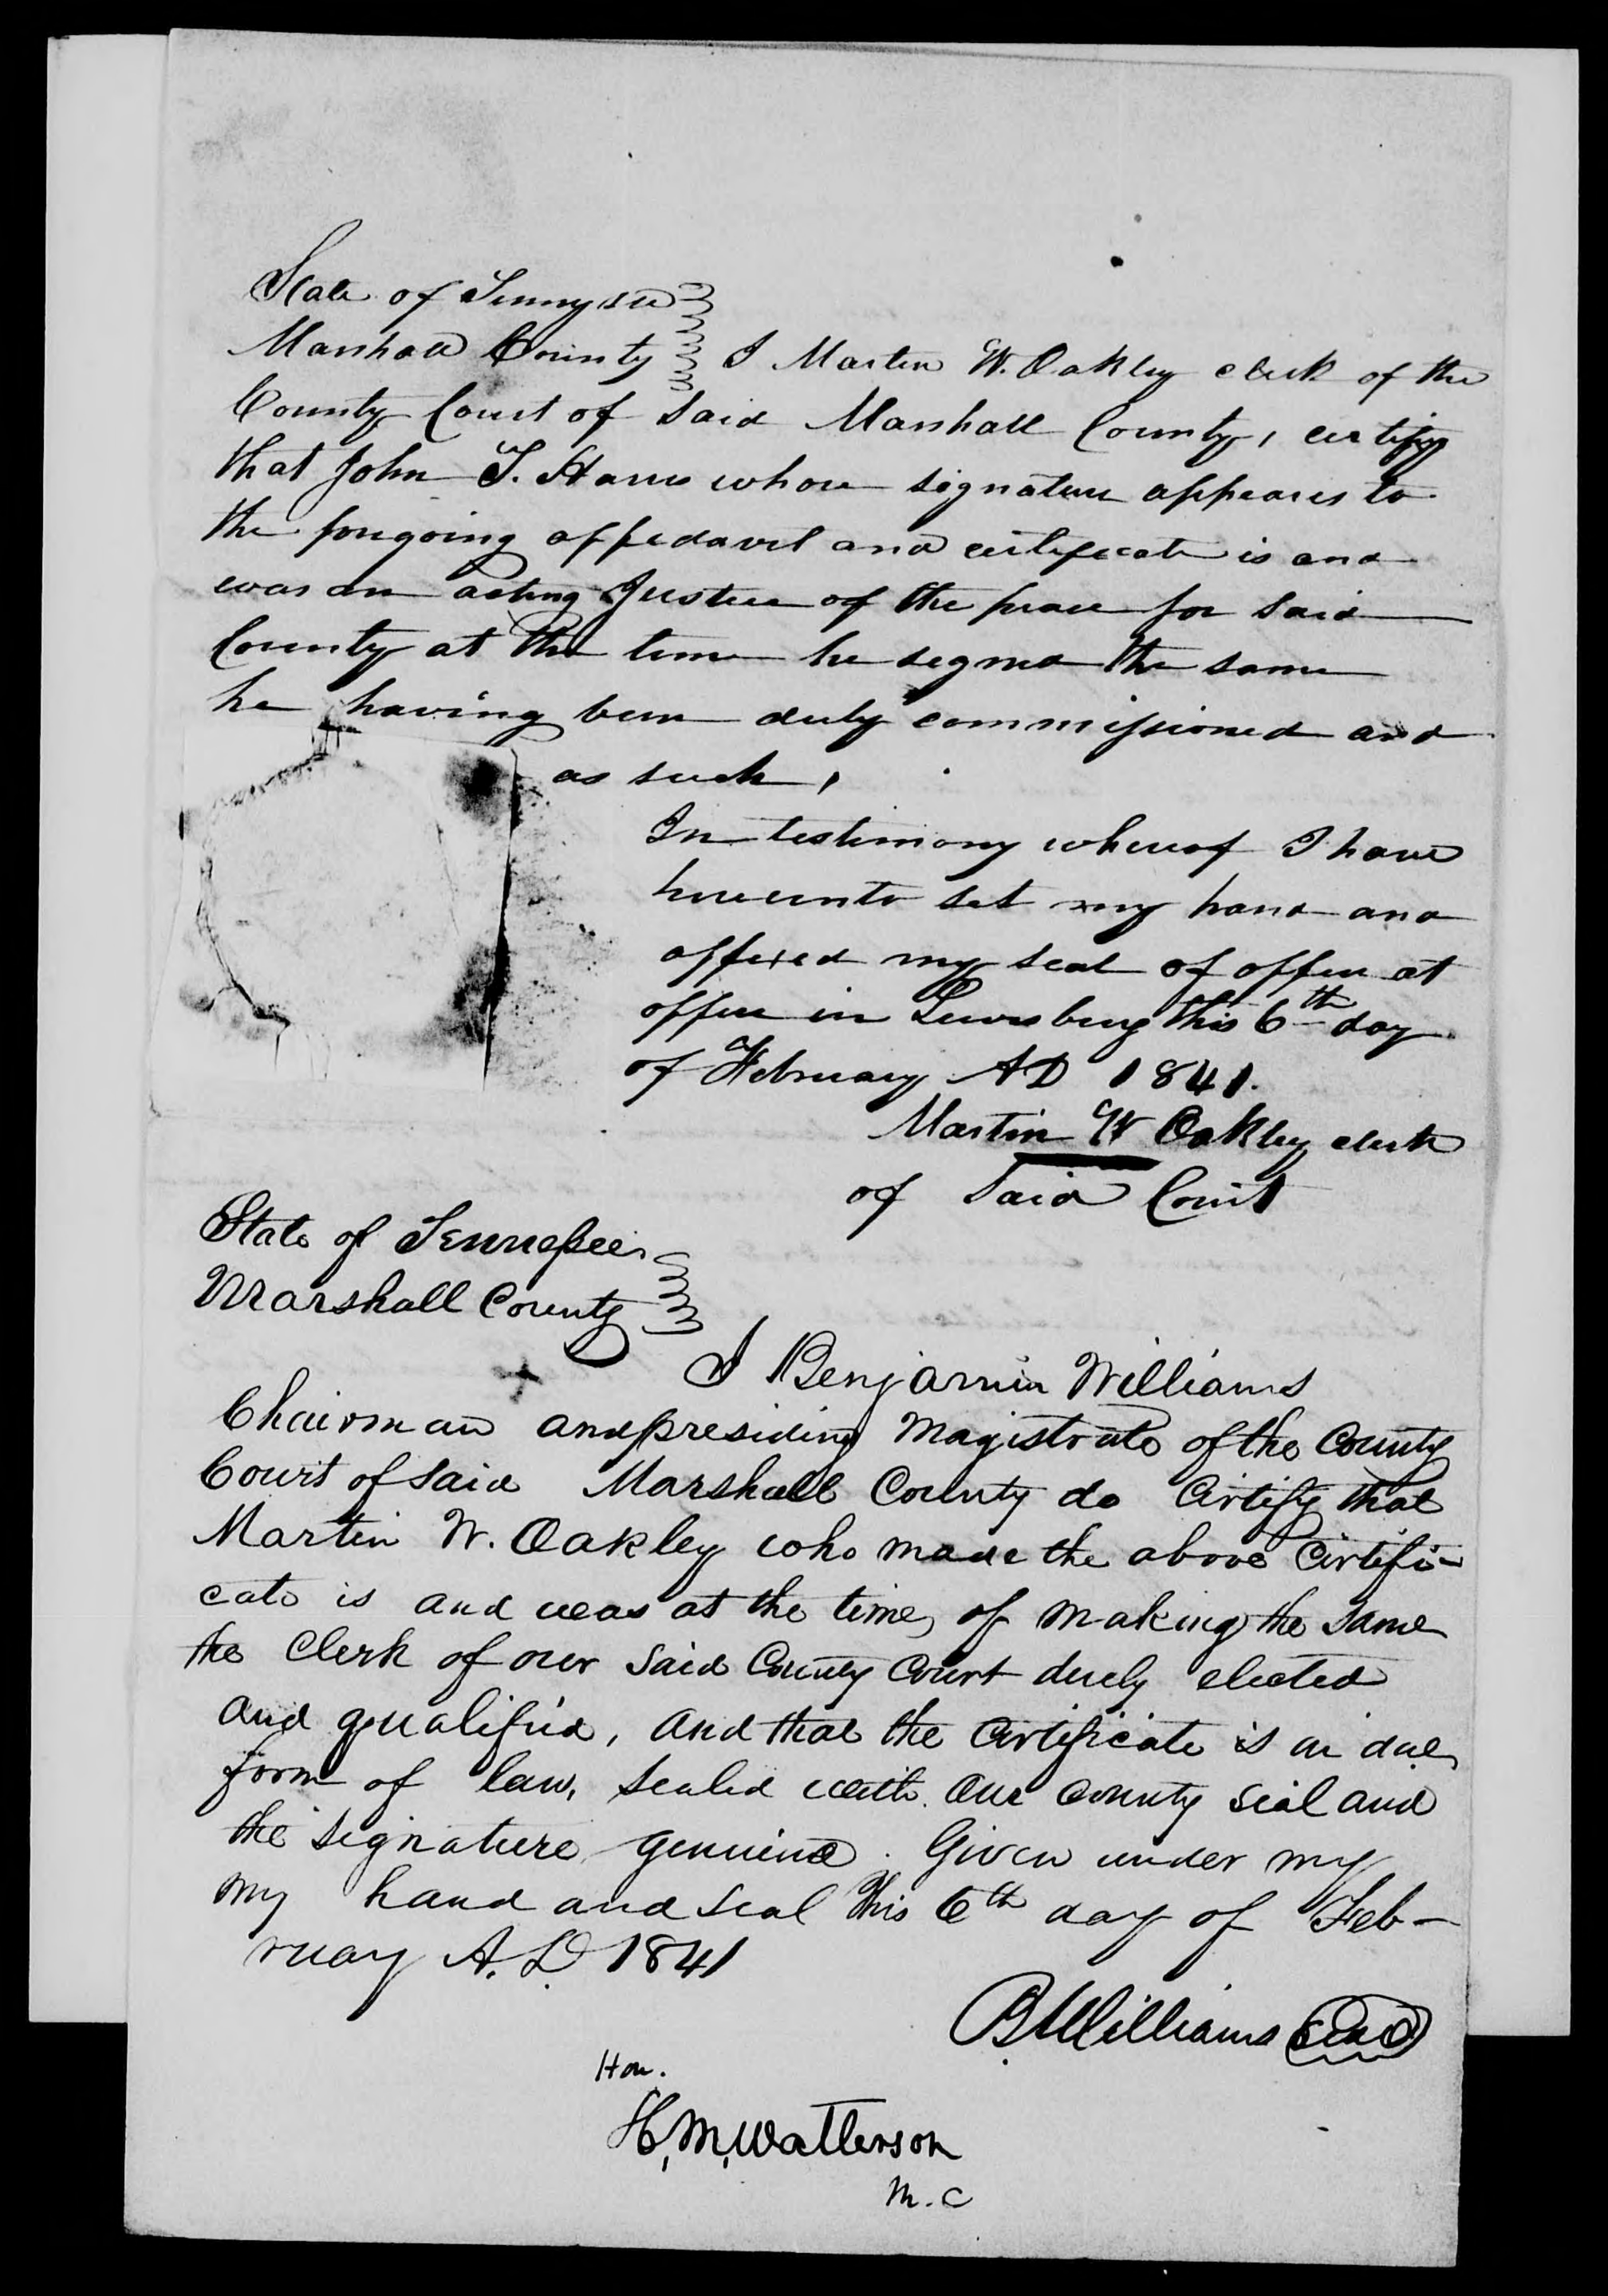State of Tennessee}
Marshall County} I Martin W. Oakley clerk of the County court of said Marshall County, certify that John T. Harris whose signature appears to the foregoing affidavit and certificate is and was an acting Justice of the peace for said county at the time he signed the same he having been duly commissioned and [covered] as such.
In testimony whereof I have hereunto set my hand and affixed my seal of office at office in Lewisburg this 6th day of February A. D. 1841.
[Signature]
Martin W. Oakley Clerk 
of said Court
[Seal]

State of Tennessee}
Marshall County }
I Benjamin Williams Chairman and presiding Magistrate of the county court of said Marshall County do certify that Martin W. Oakley who made the above certificate is and was at the time, of making the same the clerk of our said county court duly elected and qualified. And that the certificate is in due form of law, sealed                     with our county seal and the signature genuine. Given under my my hand and seal this 6th day of February A. D. 1841
[Signature]
B. Williams [seal]

Hon. H. M. Watterson
M C.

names: Benjamin Williams; John T Harris; H M Walterson; Martin W Oakley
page: 13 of 33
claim: widow's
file: W. 52, for Randolph Moore, North Carolina